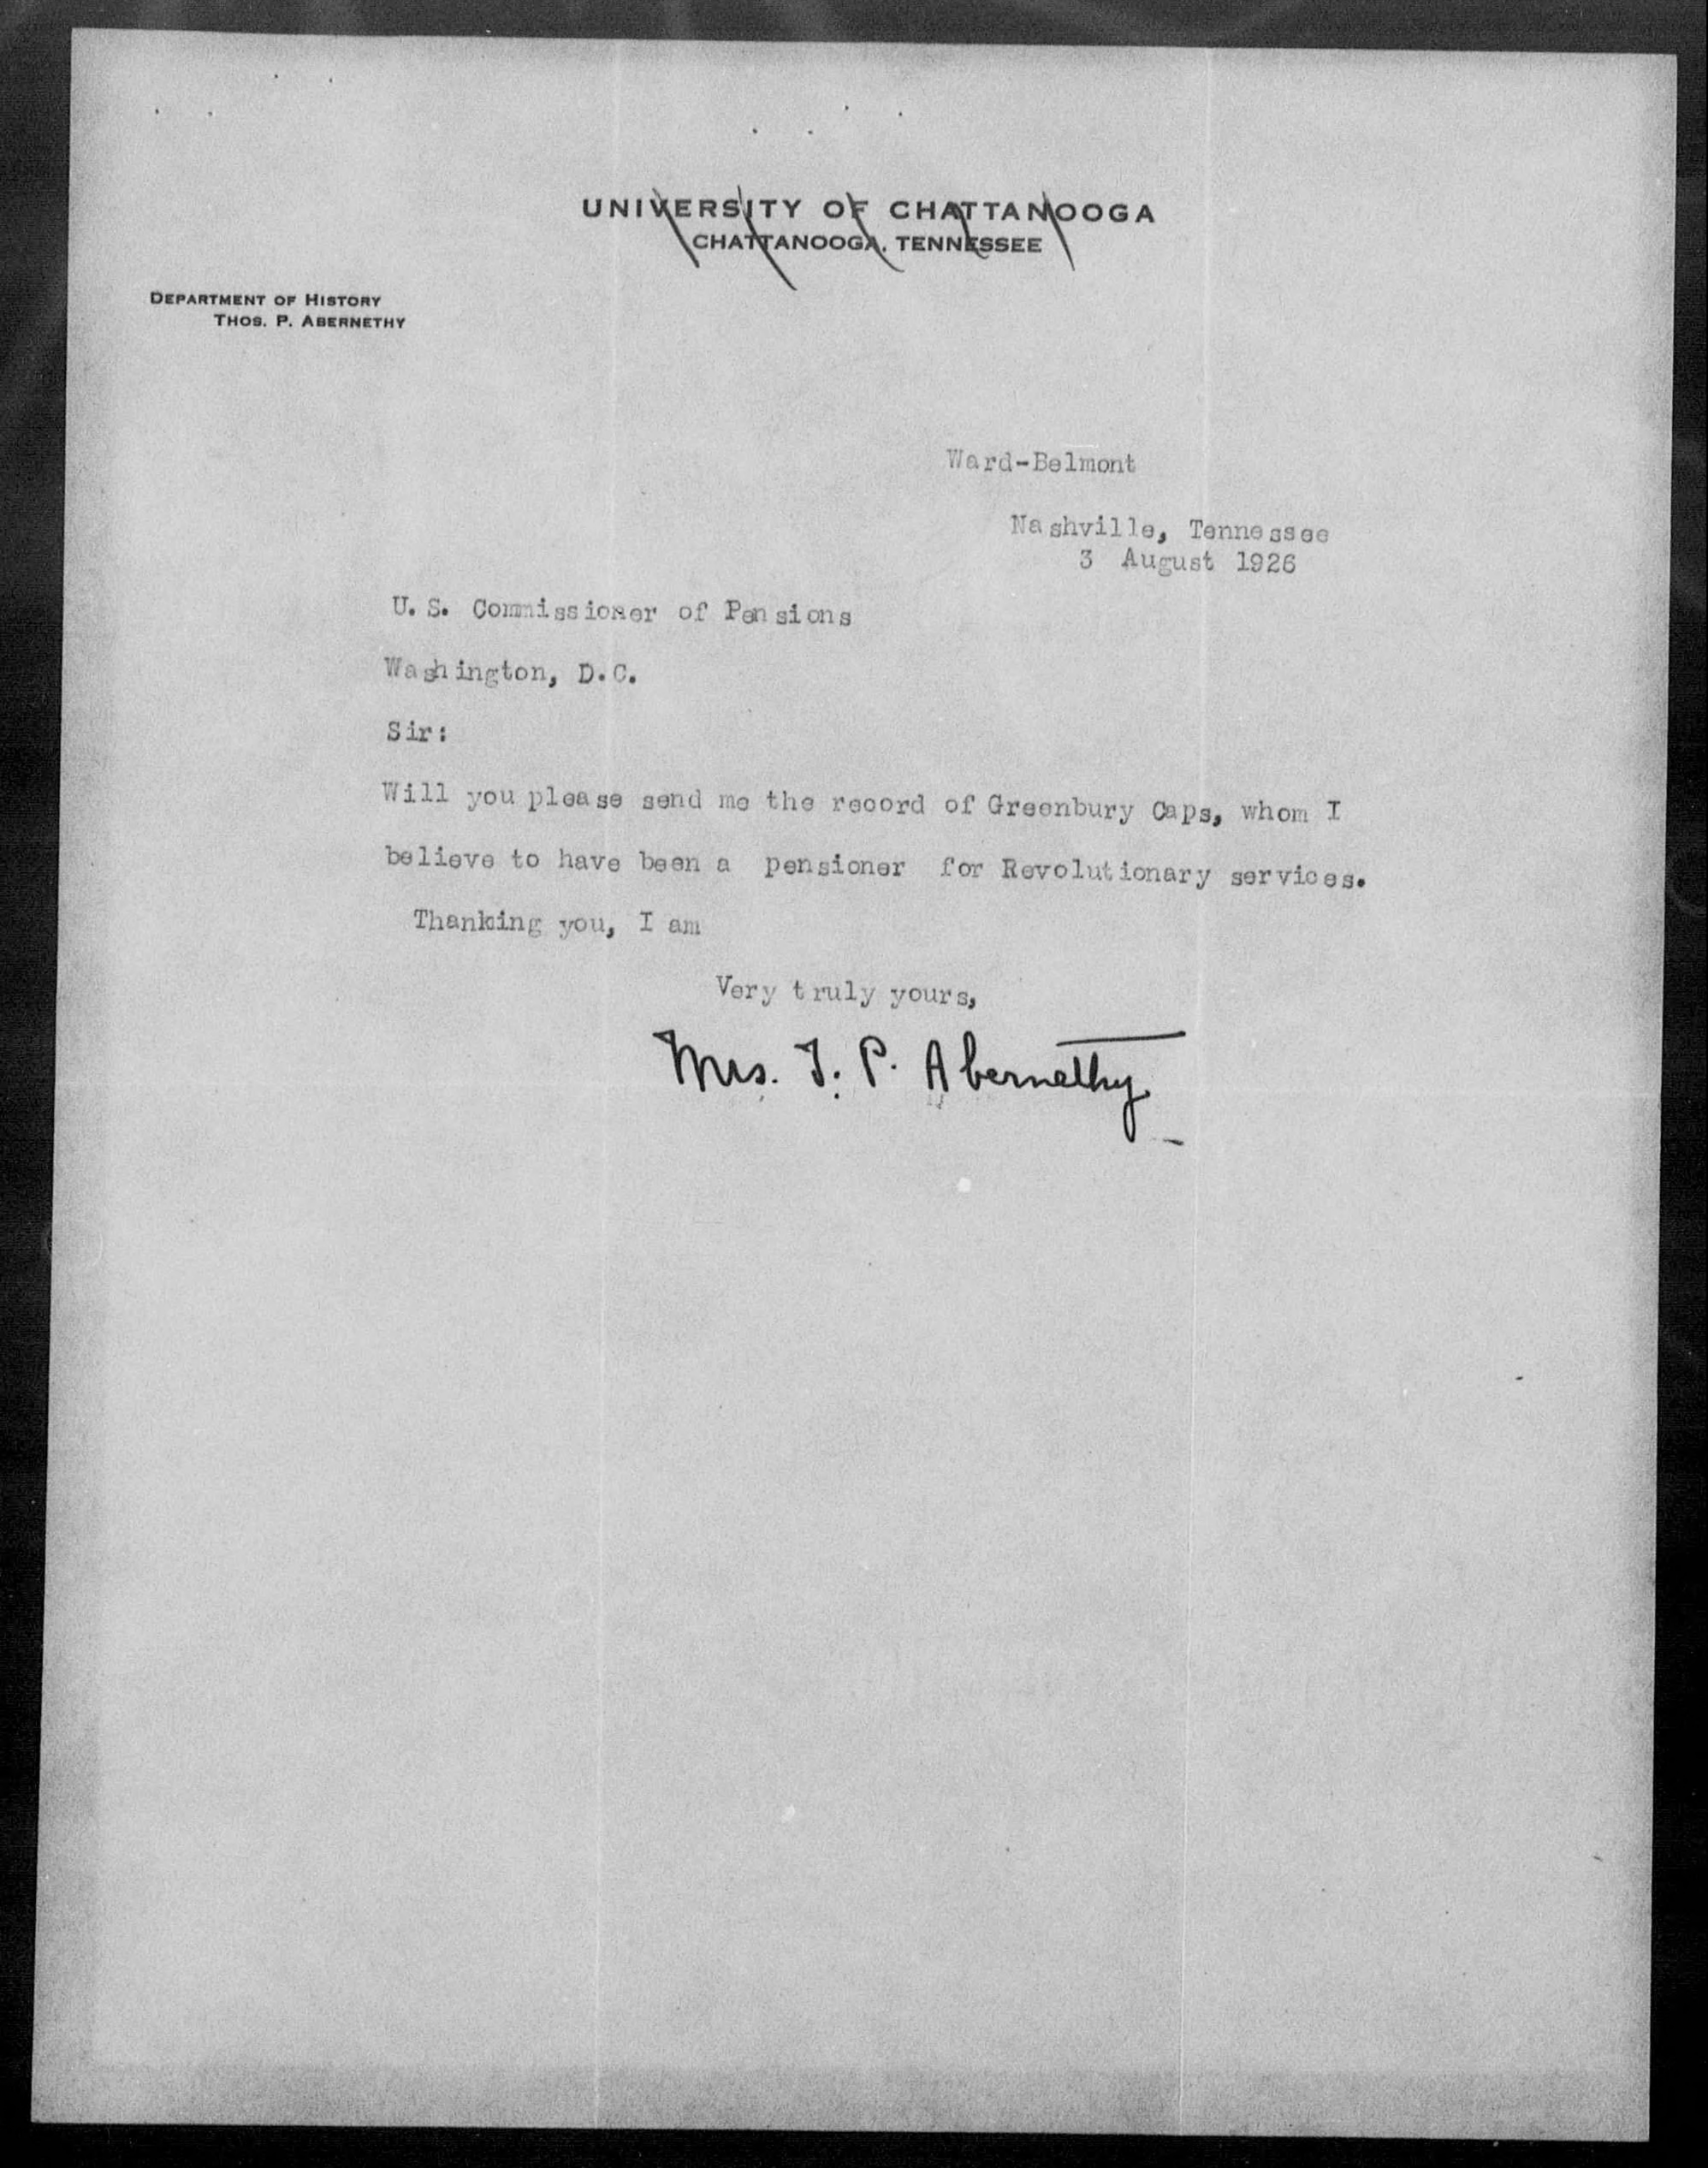[crossed off -University of Chattanooga Chattanooga, Tennessee]

Department of History
Thos P. Abernathy

Ward-Belmont
Nashville, Tennessee
3 August  1926

U.S. Commissioner of pensions
Washington, D.C.

Sir:

Will you please send me the record of Greenbury Caps, whom I believe to have been a pensioner for Revolutionary services.

Thanking you, I am

Very truly yours,

Mrs. T.P. Abernathy [signature]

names: T P Abernethy, Greenbury Caps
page: 19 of 26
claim: survivor's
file: S. 21105, Greenbery Caps, S.C.